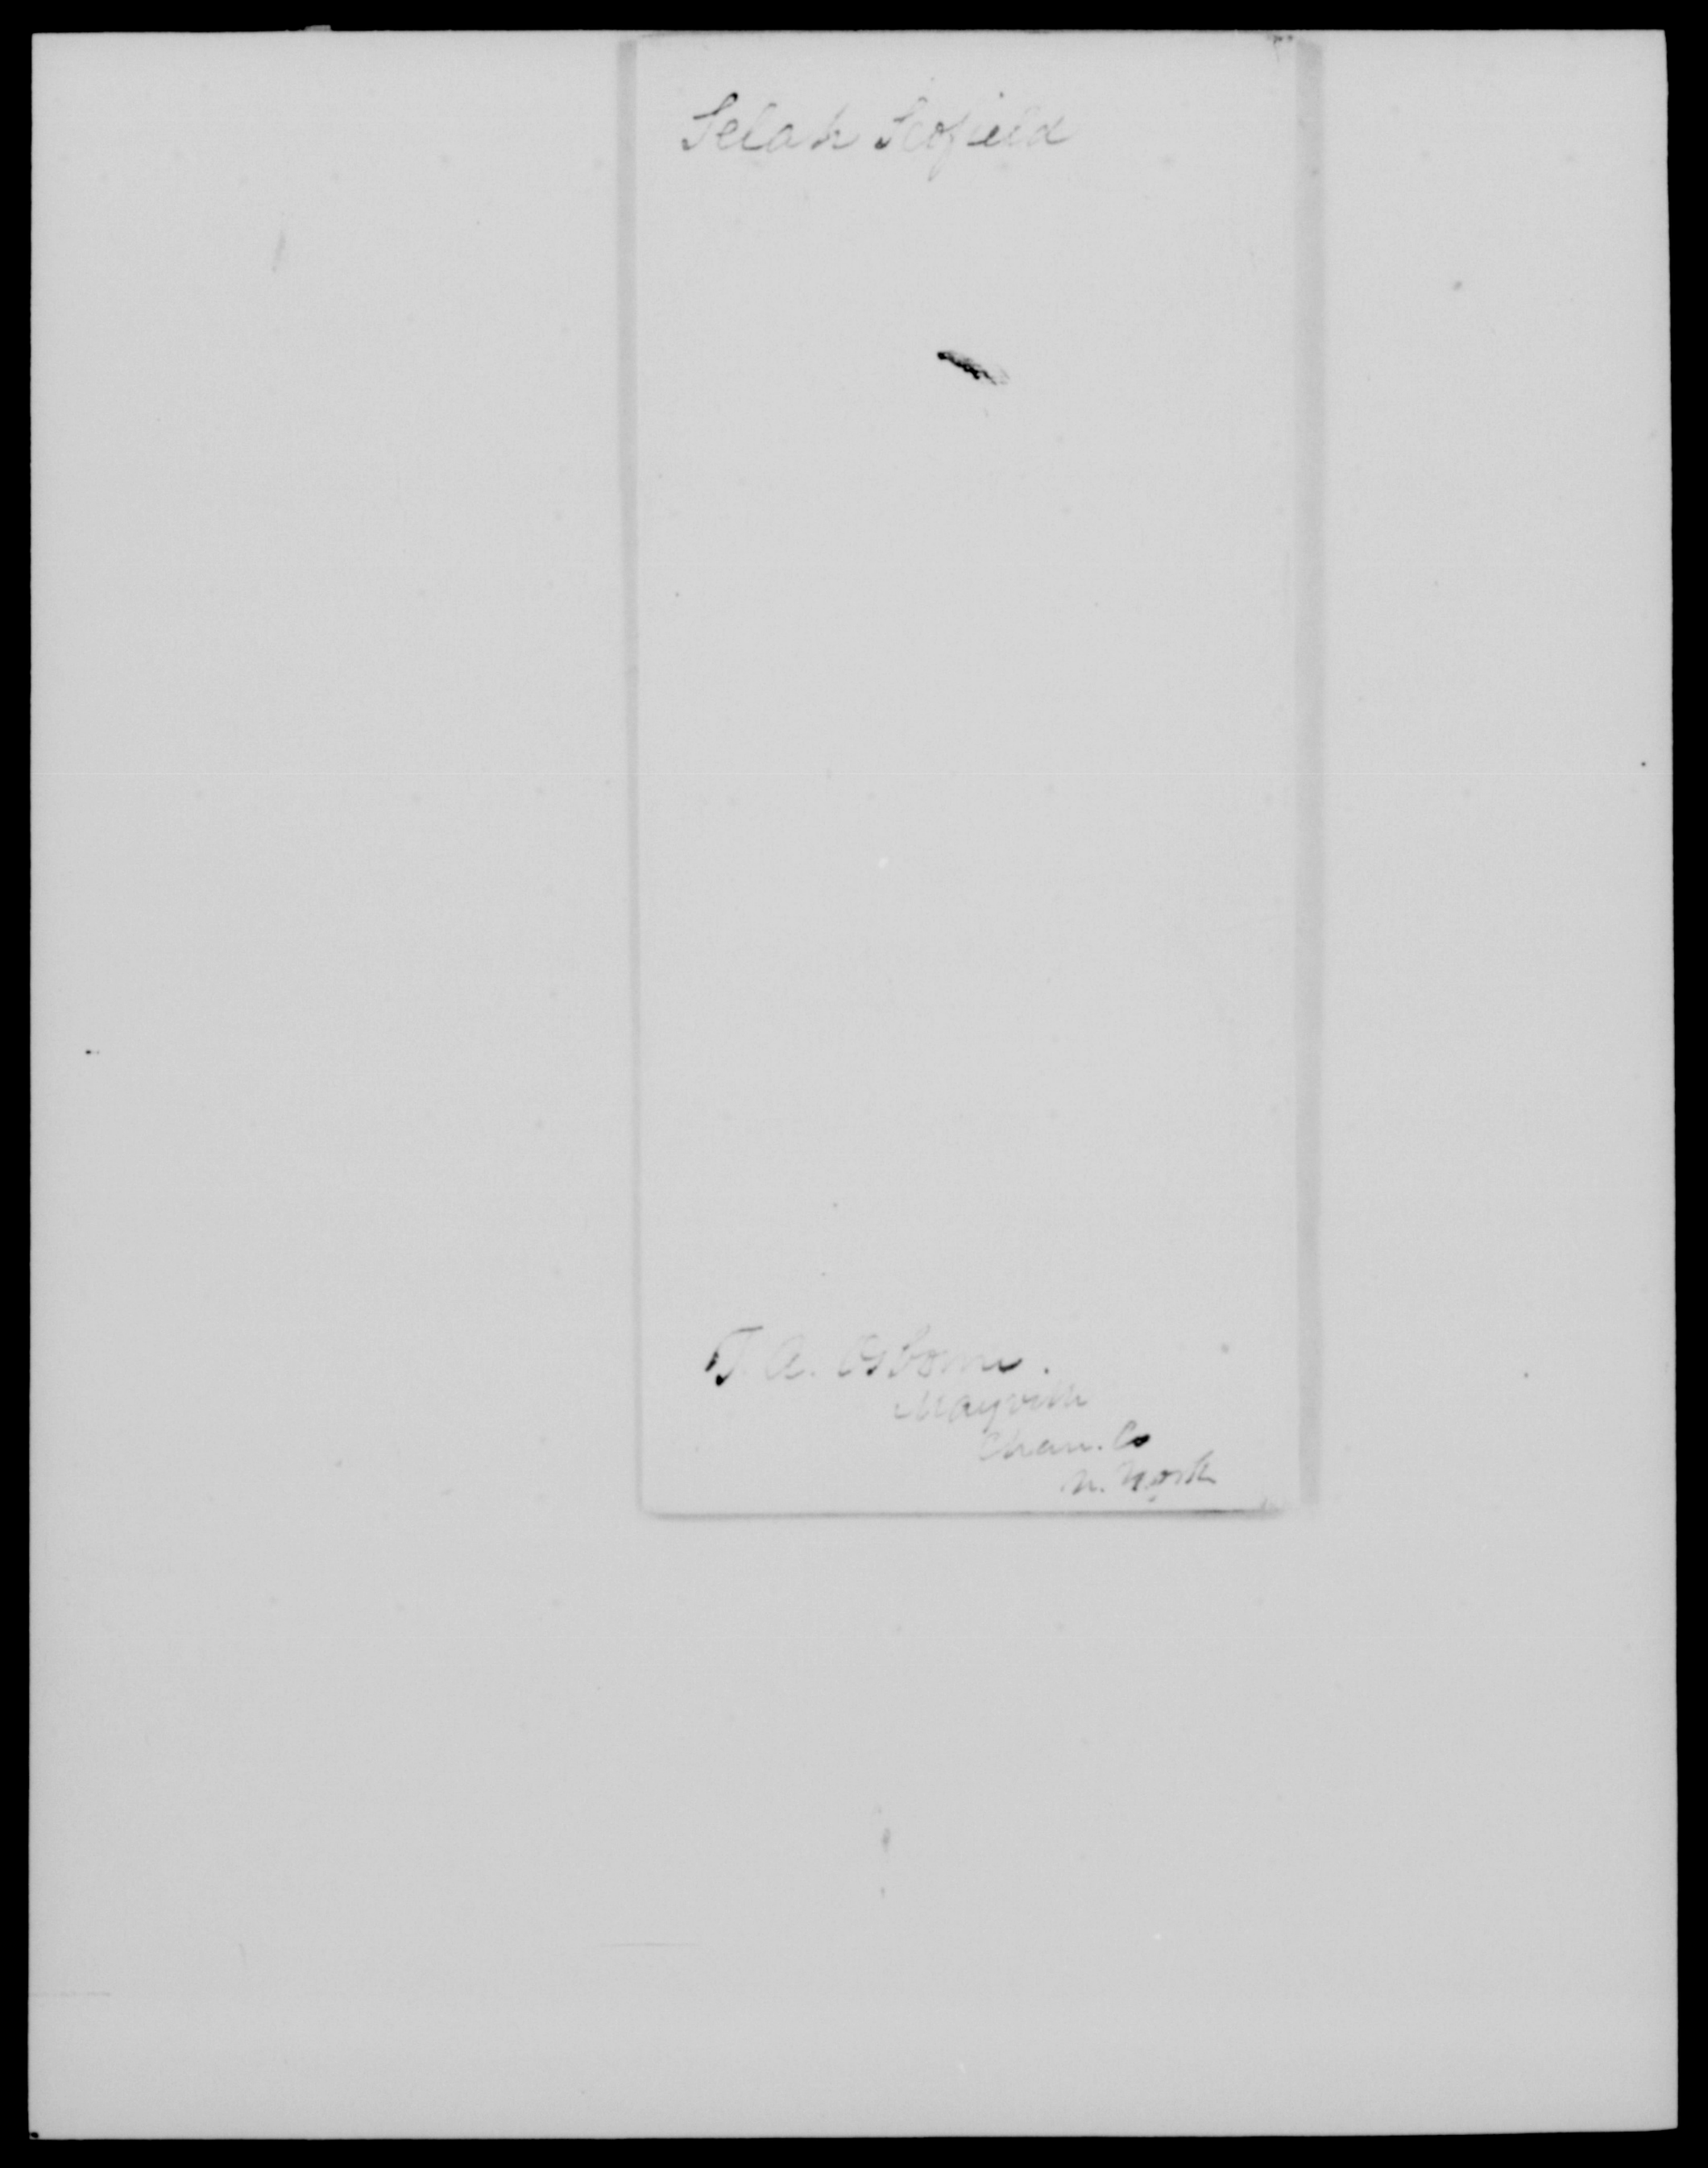Selah Scofield 
T. A. Osborn 
Mayville Chau. Co N. York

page: 23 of 36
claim: survivor's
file: S. 10,004, for Seely Scofield, Connecticut